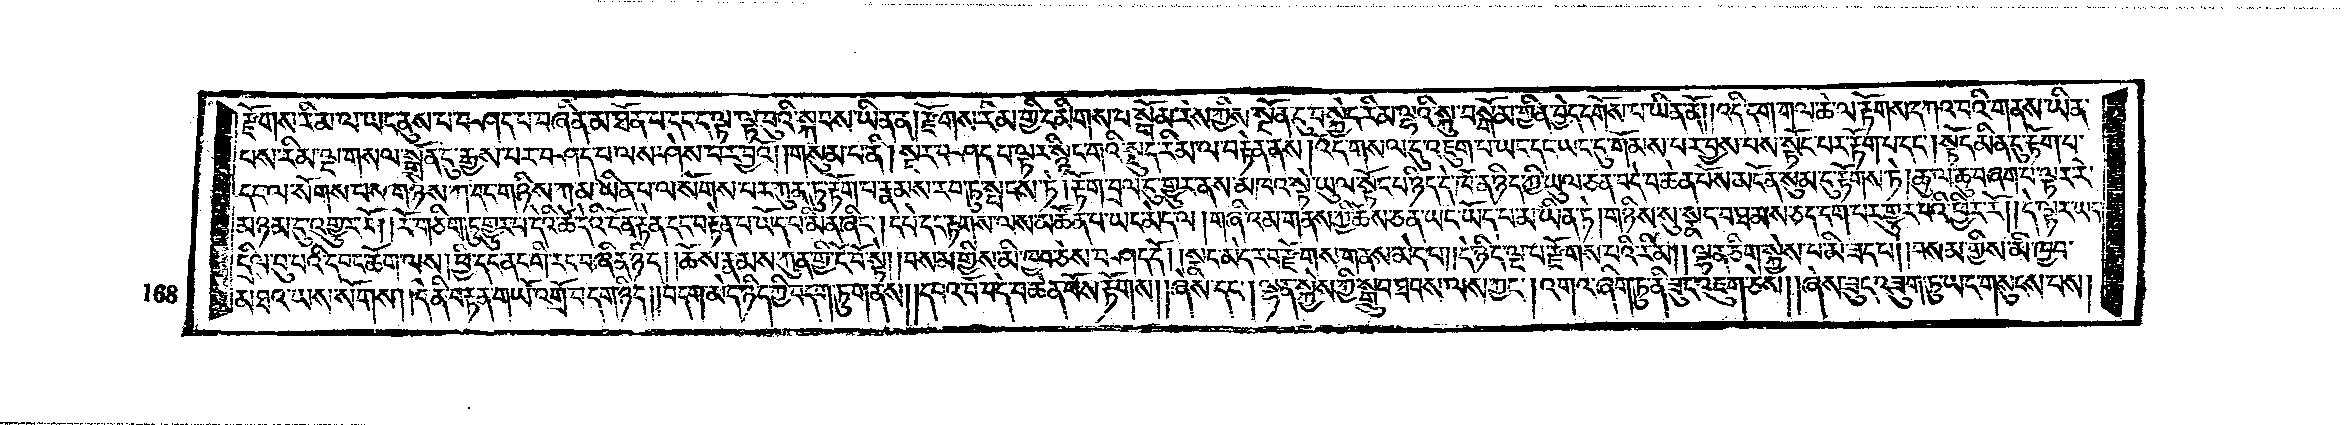རྫོགས་རིམ་པ་ལ་ཡང་ནུས་པ་བཤད་པ་བཞིན་མ་ཐོན་པ་དང་ད་ལྟ་ལྟ་བུའི་སྐབས་ཡིན་ན། རྫོགས་རིམ་གྱི་དམིགས་པ་སྒོམ་རེས་ཀྱིས་སྔོན་དུ་བསྐྱེད་རིམ་ལྷའི་སྐུ་བསྒོམ་གྱིན་བྱེད་དགོས་པ་ཡིན་ནོ། །འདི་དག་གལ་ཆེ་ལ་རྟོགས་དཀའ་བའི་གནས་ཡིན་
པས་རིམ་ལྔ་གསལ་སྒྲོན་དུ་རྒྱས་པར་བཤད་པ་ལས་ཤེས་པར་བྱའོ། །གསུམ་པ་ནི། སྔར་བཤད་པ་ལྟར་སྙིང་གའི་སྡུད་རིམ་ལ་བརྟེན་ནས། འོད་གསལ་དུ་འཇུག་པ་ཡང་དང་ཡང་དུ་གོམས་པར་བྱས་པས་སྟོང་པར་རྟོག་པ་དང་། སྟོད་མིན་དུ་རྟོག་པ་
དང་ལ་སོགས་པས་གཉིས་ཀ་དང་གཉིས་ཀ་མ་ཡིན་པ་ལ་སོགས་པར་ཀུན་ཏུ་རྟོག་པ་རྣམས་རབ་ཏུ་སྤངས་ཏེ། རྟོག་བྲལ་དུ་གྱུར་ནས་མཁའ་སྟེ་ཡུལ་སྟོང་པ་ཉིད་དེ་ཁོ་ན་ཉིད་ཀྱི་ཡུལ་ཅན་བདེ་བ་ཆེན་པོས་མངོན་སུམ་དུ་རྟོགས་ཏེ། ཆུ་ལ་ཆུ་བཞག་པ་ལྟར་རེ་
མཉམ་དུ་འགྱུར་རོ། །རོ་གཅིག་ཏུ་གྱུར་པ་དེའི་ཚེ་དེའི་ངོ་ན་རྟེན་དང་བརྟེན་པ་ཡོད་པ་མིན་ཞིང་། དཔེ་དང་རྟགས་ལས་མཚོན་པ་ཡང་མེད་ལ། གཞི་འམ་གནས་ཀྱི་ཆོས་ཅན་ཡང་ཡོད་པ་མ་ཡིན་ཏེ། གཉིས་སུ་སྣང་བ་ཐམས་ཅད་དག་པར་གྱུར་པའི་ཕྱིར་རོ། །དེ་ལྟར་ཡང་
དྲིལ་བུ་པའི་དབང་ཆོག་ལས། ཕྱི་དང་ནང་གི་རང་བཞིན་ཉིད། །ཆོས་རྣམས་ཀུན་གྱི་ངོ་བོ་སྟེ། །བསམ་གྱིས་མི་ཁྱབ་ཅེས་བཤད་དོ། །སྣང་མེད་རབ་རྫོགས་གནས་མེད་པ། །དེ་ཉིད་ལྔ་པ་རྫོགས་པའི་རིམ། །ལྷན་ཅིག་སྐྱེས་པ་མི་ཟད་པ། །བསམ་གྱིས་མི་ཁྱབ་
མཐའ་ཡས་སོགས། །དེ་ནི་བརྟན་གཡོ་འགྲོ་བདག་ཉིད། །བདག་མེད་ཉིད་ཀྱི་བདག་ཏུ་གནས། །དཔའ་བོ་བདེ་བ་ཆེན་པོས་རྟོགས། །ཞེས་དང་། ལྷན་སྐྱེས་ཀྱི་སྒྲུབ་ཐབས་ལས་ཀྱང་། འགའ་ཞིག་ཏུ་ནི་ཟུང་འཇུག་ཅེས། །ཞེས་ཟུང་འཇུག་ཏུ་ཡང་གསུངས་པས།